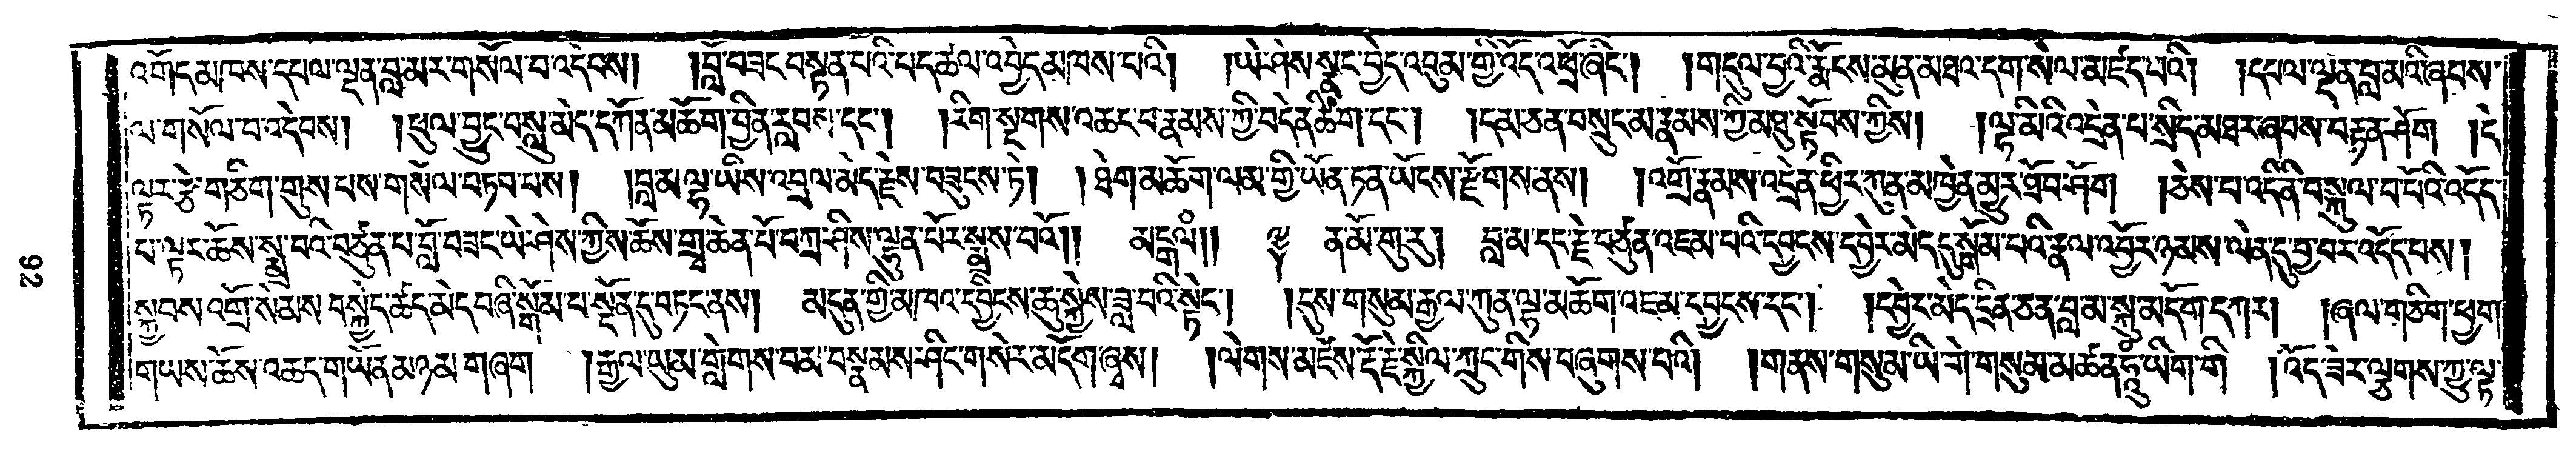འགོད་མཁས་དཔལ་ལྡན་བླ་མར་གསོལ་བ་འདེབས། །བློ་བཟང་བསྟན་པའི་པད་ཚལ་འབྱེད་མཁས་པའི། །ཡེ་ཤེས་སྣང་བྱེད་འབུམ་གྱི་འོད་འཕྲོ་ཞིང་། །གདུལ་བྱའི་རྨོངས་མུན་མཐའ་དག་སེལ་མཛད་པའི། །དཔལ་ལྡན་བླ་མའི་ཞབས་
ལ་གསོལ་བ་འདེབས། །ཕུལ་བྱུང་བསླུ་མེད་དཀོན་མཆོག་བྱིན་རླབས་དང་། །རིག་སྔགས་འཆང་བ་རྣམས་ཀྱི་བདེན་ཚིག་དང་། །དམ་ཅན་བསྲུང་མ་རྣམས་ཀྱི་མཐུ་སྟོབས་ཀྱིས། །ལྷ་མིའི་འདྲེན་པ་སྲིད་མཐར་ཞབས་བརྟན་ཤོག །དེ་
ལྟར་རྩེ་གཅིག་གུས་པས་གསོལ་བཏབ་པས། །བླ་མ་ལྷ་ཡིས་འབྲལ་མེད་རྗེས་བཟུངས་ཏེ། །ཐེག་མཆོག་ལམ་གྱི་ཡོན་ཏན་ཡོངས་རྫོགས་ནས། །འགྲོ་རྣམས་འདྲེན་ཕྱིར་ཀུན་མཁྱེན་མྱུར་ཐོབ་ཤོག །ཅེས་པ་འདི་ནི་བསྐུལ་བ་པོའི་འདོད་
པ་ལྟར་ཆོས་སྨྲ་བའི་བཙུན་པ་བློ་བཟང་ཡེ་ཤེས་ཀྱིས་ཆོས་གྲྭ་ཆེན་པོ་བཀྲ་ཤིས་ལྷུན་པོར་སྨྲས་པའོ།། མངྒལཾ།། ༈ ན་མོ་གུ་རུ། བླ་མ་དང་རྗེ་བཙུན་འཇམ་པའི་དབྱངས་དབྱེར་མེད་དུ་སྒོམ་པའི་རྣལ་འབྱོར་ཉམས་ལེན་དུ་བྱ་བར་འདོད་པས།
སྐྱབས་འགྲོ་སེམས་བསྐྱེད་ཚད་མེད་བཞི་སྒོམ་པ་སྔོན་དུ་བཏང་ནས། མདུན་གྱི་མཁའ་དབྱིངས་ཆུ་སྐྱེས་ཟླ་བའི་སྟེང་། །དུས་གསུམ་རྒྱལ་ཀུན་ལྷ་མཆོག་འཇམ་དབྱངས་དང་། །དབྱེར་མེད་དྲིན་ཅན་བླ་མ་སྐུ་མདོག་དཀར། །ཞལ་གཅིག་ཕྱག་
གཡས་ཆོས་འཆད་གཡོན་མཉམ་གཞག །རྒྱལ་ཡུམ་གླེགས་བམ་བསྣམས་ཤིང་གསེར་མདོག་ཞྭས། །ལེགས་མཛེས་རྡོ་རྗེ་སྐྱིལ་ཀྲུང་གིས་བཞུགས་པའི། །གནས་གསུམ་ཡི་གེ་གསུམ་མཚན་ཧཱུཾ་ཡིག་གི །འོད་ཟེར་ལྕགས་ཀྱུ་ལྟ་